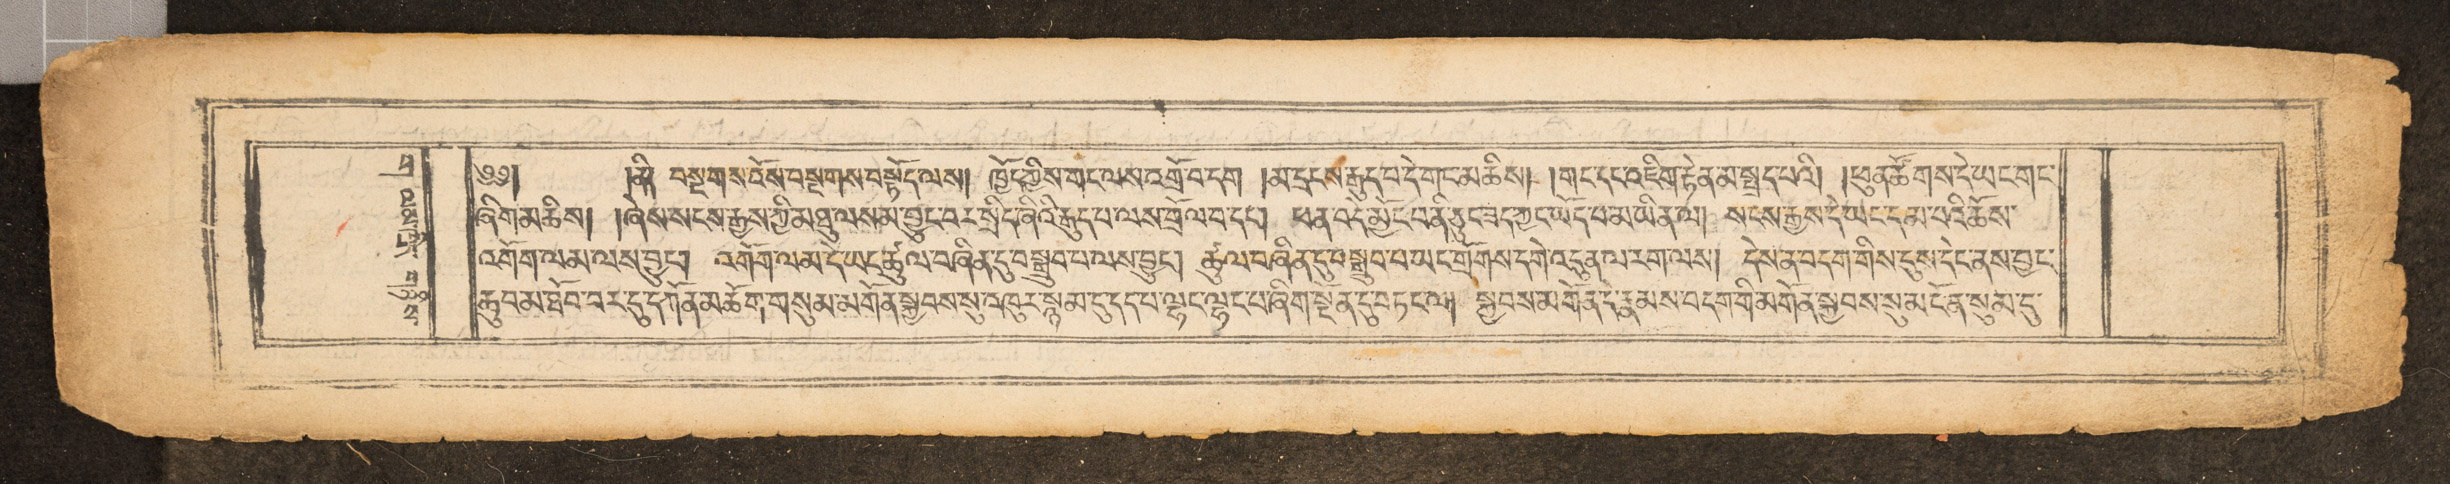༄༅། །ནི༑ བསྔགས་འོས་བསྔགས་བསྟོད་ལས། ཁྱོད་ཀྱིས་གང་ལས་འགྲོ་བ་དག །མ་དྲངས་རྒུད་པ་དེ་གང་མཆིས། །གང་དང་འཇིག་རྟེན་མ་སྤྲད་པའི། །ཕུན་ཚོགས་དེ་ཡང་གང་
ཞིག་མཆིས། །ཞེས་སངས་རྒྱས་ཀྱི་མཐུ་ལས་མ་བྱུང་བར་སྲིད་ཞིའི་རྒུད་པ་ལས་གྲོལ་བ་དང་། ཕན་བདེ་མྱོང་པ་ནི་ཅུང་ཟད་ཀྱང་ཡོད་པ་མ་ཡིན་ལ། སངས་རྒྱས་དེ་ཡང་དམ་པའི་ཆོས་
འགོག་ལམ་ལས་བྱུང་། འགོག་ལམ་དེ་ཡང་ཚུལ་བཞིན་དུ་བསྒྲུབ་པ་ལས་བྱུང་། ཚུལ་བཞིན་དུ་བསྒྲུབ་པ་ཡང་གྲོགས་དགེ་འདུན་ལ་རག་ལས། དེས་ན་བདག་གིས་དུས་དེང་ནས་བྱང་
ཆུབ་མ་ཐོབ་བར་དུ་དཀོན་མཆོག་གསུམ་མགོན་སྐྱབས་སུ་འཁུར་སྙམ་དུ་དད་པ་ལྷང་ལྷང་པ་ཞིག་སྔོན་དུ་བཏང་ལ། སྐྱབས་མགོན་དེ་རྣམས་བདག་གི་མགོན་སྐྱབས་སུ་མངོན་སུམ་དུ་